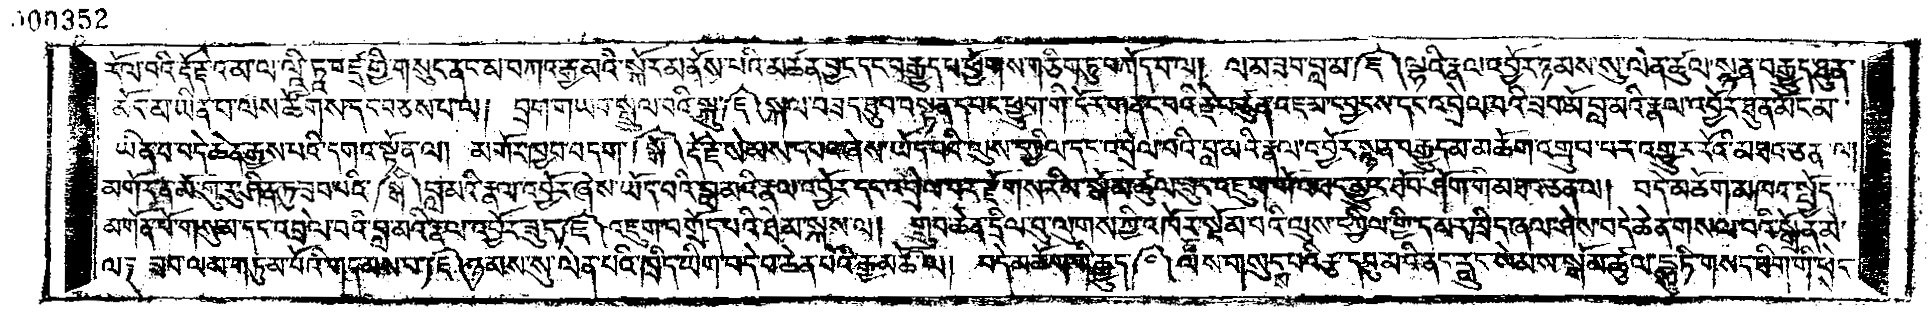རོལ་བའི་རྡོ་རྗེའམ་ལ་ལཱི་ཏཱ་བཛྲ་གྱི་གསུང་ནང་མ་བཀའ་རྒྱ་མའི་སྐོར་མནོས་པའི་མཚན་བྱང་དང་བརྒྱུད་པ་ཕྱོགས་གཅིག་ཏུ་བཀོད་པ་ལ། ལམ་ཟབ་བླ་མ ༼ཇ༽ ལྷའི་རྣལ་འབྱོར་ཉམས་སུ་ལེན་ཚུལ་སྙན་བརྒྱུད་ཐུན་
མོང་མ་ཡིན་པ་ལས་ཚོགས་དང་བཅས་པ་ལ། བྲག་གཡབ་སྤྲུལ་བའི་སྐུ ༼ཇ༽ སྐལ་བཟང་ཐུབ་བསྟན་དབང་ཕྱུག་གི་ངོར་གནང་བའི་རྗེ་བཙུན་འཇམ་དབྱངས་དང་འབྲེལ་བའི་ཟབ་མོ་བླ་མའི་རྣལ་འབྱོར་ཐུན་མོང་མ་
ཡིན་པ་བདེ་ཆེན་རྒྱས་པའི་དགའ་སྟོན་ལ། མགོར་ཁྱབ་བདག ༼སྒོ༽ རྡོ་རྗེ་སེམས་དཔའ་ཞེས་ཡོད་པའི་ལུས་དཀྱིལ་དང་འབྲེལ་བའི་བླ་མའི་རྣལ་འབྱོར་སྙན་བརྒྱུད་མ་མཆོག་འགྲུབ་པར་འགྱུར་རོའི་མཐའ་ཅན་ལ།
མགོར་ན་མོ་གུ་རུ་ཤིན་ཏུ་ཟབ་པའི ༼སྒོ༽ བླ་མའི་རྣལ་འབྱོར་ཞེས་ཡོད་པའི་བླ་མའི་རྣལ་འབྱོར་དང་འབྲེལ་བར་རྫོགས་རིམ་སྒོམ་ཚུལ་ཟུང་འཇུག་གོ་འཕང་མྱུར་ཐོབ་ཤོག་གི་མཐའ་ཅན་ལ། བདེ་མཆོག་མཁའ་སྤྱོད་
མགོན་པོ་གསུམ་དང་འབྲེལ་བའི་བླ་མའི་རྣལ་འབྱོར་ཟུང ༼ཇ༽ འཇུག་བགྲོད་པའི་ཐམ་སྐས་ལ། གྲུབ་ཆེན་དྲིལ་བུ་ལུགས་ཀྱི་འཁོར་སྡོམ་པའི་ལུས་དཀྱིལ་གྱི་དམར་ཁྲིད་ཞལ་ཤེས་བདེ་ཆེན་གསལ་བའི་སྒྲོན་མེ་
ལ༑ ཟབ་ལམ་གཏུམ་པོའི་གདམས་པ ༼ཇ༽ ཉམས་སུ་ལེན་པའི་ཁྲིད་ཡིག་བདེ་བ་ཆེན་པོའི་རྒྱ་མཚོ་ལ། བདེ་མཆོག་གི་རྒྱུད ༼༠༽ ལས་གསུངས་པའི་རྩ་དབུ་མའི་ནང་རླུང་སེམས་སྒོམ་ཚུལ་དྷཱུ་ཏི་གསང་ཐིག་གི་ཕྲེང་